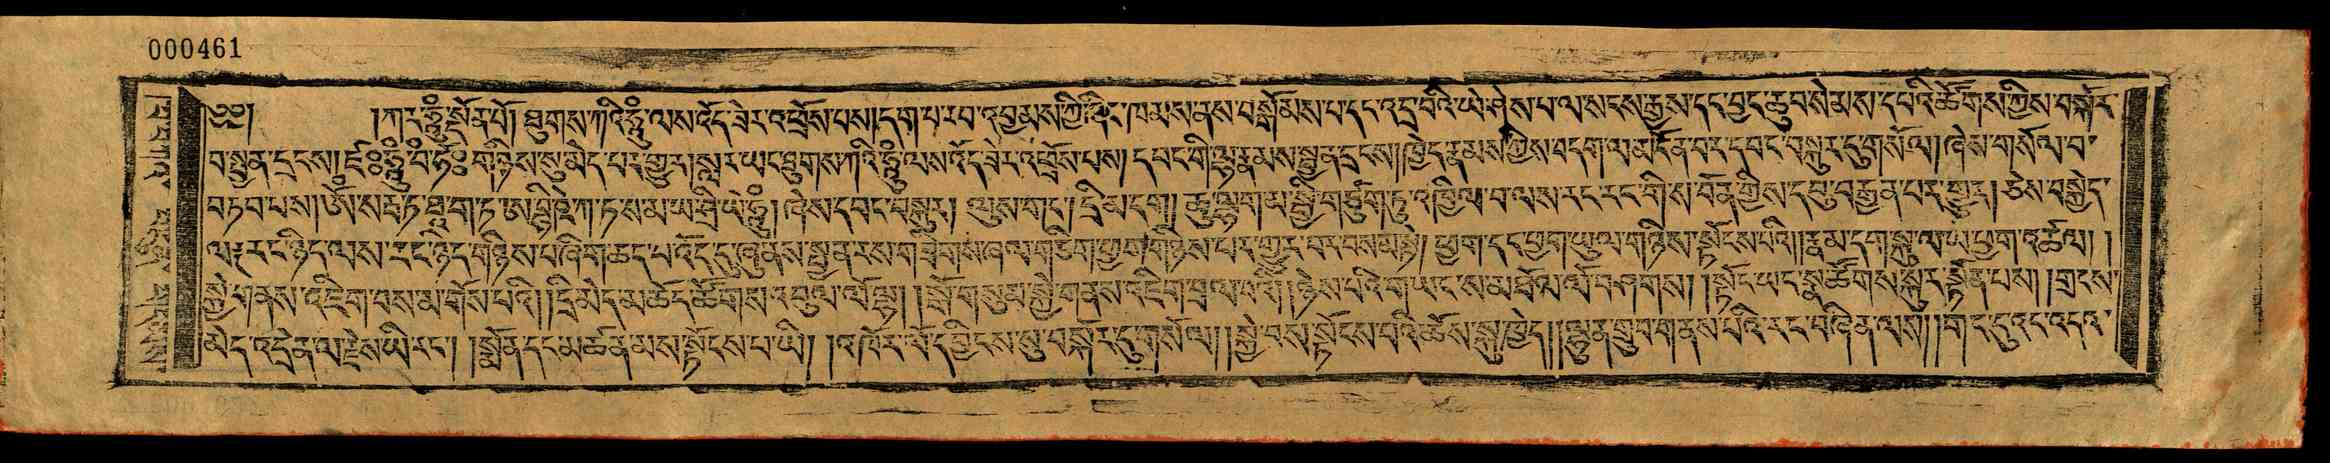༄༅། །ཀར་ཧཱུཾ་སྔོན་པོ། ཐུགས་ཀའི་ཧཱུཾ་ལས་འོད་ཟེར་འཕྲོས་པས། དག་པ་རབ་འབྱམས་ཀྱི་ཞིང་ཁམས་ནས་བསྒོམས་པ་དང་འདྲ་བའི་ཡེ་ཤེས་པ་ལ་སངས་རྒྱས་དང་བྱང་ཆུབ་སེམས་དཔའི་ཚོགས་ཀྱིས་བསྐོར་
བ་སྤྱན་དྲངས། ཛཿ ཧཱུཾ་བཾ་ཧོཿ གཉིས་སུ་མེད་པར་གྱུར། སླར་ཡང་ཐུགས་ཀའི་ཧཱུཾ་ལས་འོད་ཟེར་འཕྲོས་པས། དབང་གི་ལྷ་ནམས་སྤྱན་དྲངས། ཁྱེད་རྣམས་ཀྱིས་བདག་ལ་མངོན་པར་དབང་བསྐུར་དུ་གསོལ། ཞེས་གསོལ་བ་
བཏབ་པས། ཨོཾ་སརྦ་ཏ་ཐཱ་ག་ཏ་ཨ་བྷི་ཥཀ་ཏ་ས་མ་ཡ་ཤྲི་ཡེ་ཧཱུཾ། ཞེས་དབང་བསྐུར། ལུས་གང་། དྲི་མ་དག །ཆུ་ལྷག་མ་སྤྱི་གཙུག་ཏུ་འཁྱིལ་པ་ལས་རང་རང་གི་ས་བོན་གྱིས་དབུ་བརྒྱན་པར་གྱུར། ཅེས་བསྐྱེད་
ལ༑ རང་ཉིད་ལས་རང་ཉིད་གཉིས་པ་ཞིག་ཆད་པ་འོད་དུ་ཞུ་ནས་སྤྱན་རས་གཟིགས་ཞལ་གཅིག་ཕྱག་གཉེས་པར་གྱུར་པར་བསམ་སྟེ། ཕྱག་དང་ཕྱག་ཡུལ་གཉིས་སྟོངས་པའི། །རྣམ་དག་སྐུ་ལ་ཡེ་ཕྱག་འཚལ།།
སྐྱེ་གནས་འཇིག་པས་མགོས་པའི། །དྲི་མེད་མཆོད་ཚོགས་འབུལ་ལོ་ལྷ། །སྒོ་གསུམ་སྐྱེ་གནས་འཇིག་བྲལ་བའི། །ཉེས་པའི་གཡང་ས་མཐོལ་ལོ་བཤགས། །སྟོང་ཡང་སྣ་ཚོགས་སྐུར་སྟོན་པས། །གྲངས་
མེད་འདྲེན་ལ་རྗེས་ཡི་རང་། །སྨོན་དང་མཚན་མས་སྟོངས་པ་ཡི། །འཁོར་ལོ་དབྱིངས་སུ་བསྐོར་དུ་གསོལ། །སྐྱེ་བས་སྟོངས་པའི་ཆོས་སྐུ་ཁྱེད། །ལྷུན་གྲུབ་གནས་པའི་རང་གཞིན་ལས། །གང་དུའང་འདའ་